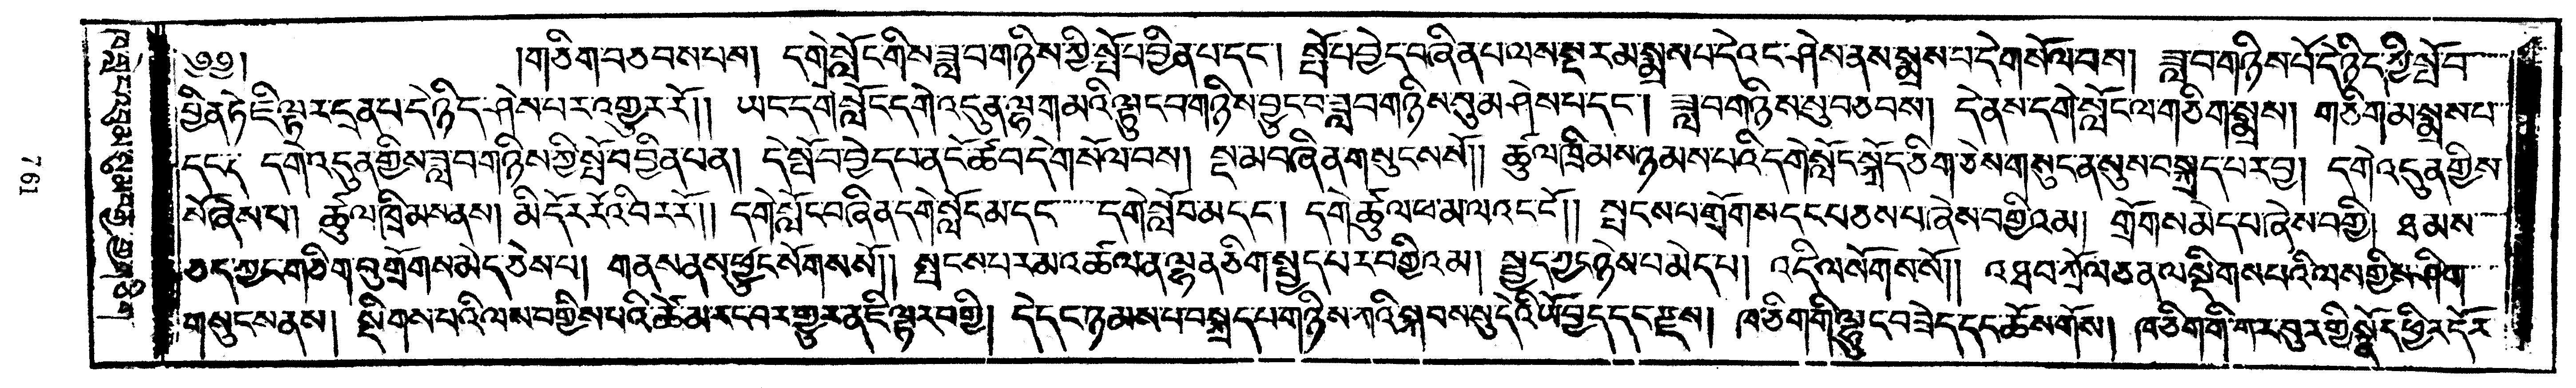༄༅། །གཅིག་བཅབས་པས། དགེ་སློང་གིས་ཟླ་བ་གཉིས་ཀྱི་སྤོ་པ་བྱིན་པ་དང་། སྤོ་པ་བྱེད་བཞིན་པ་ལས་སྔར་མ་སྨྲས་པ་དེའང་ཤེས་ནས་སྨྲས་པ་དེ་གསོལ་བས། ཟླ་བ་གཉིས་པོ་དེ་ཉིད་ཀྱི་སྤོ་བ་
བྱིན་ཏེ་ཇི་ལྟར་དྲན་པ་དེ་ཉིད་ཤེས་པར་འགྱུར་རོ།། ཡང་དགེ་སློང་དགེ་འདུན་ལྷག་མའི་ལྟུང་བ་གཉིས་བྱུང་བ་ཟླ་བ་གཉིས་སུ་མ་ཤེས་པ་དང་། ཟླ་བ་གཉིས་སུ་བཅབས། དེ་ནས་དགེ་སློང་ལ་གཅིག་སྨྲས། གཅིག་མ་སྨྲས་པ་
དང༑ དགེ་འདུན་གྱིས་ཟླ་བ་གཉིས་ཀྱི་སྤོ་བ་བྱིན་པ་ན། དེ་སྤོ་བ་བྱེད་པ་ན་ངོ་ཚབ་དེ་གསོལ་བས། སྔ་མ་བཞིན་གསུངས་སོ།། ཚུལ་ཁྲིམས་ཉམས་པའི་དགེ་སློང་སྐྲོད་ཅིག་ཅེས་གསུང་ན་སུས་བསྐྲད་པར་བྱ། དགེ་འདུན་གྱིས་
སོ་ཞེས་པ། ཚུལ་ཁྲིམས་ནས། མི་དོར་རོའི་བར་རོ།། དགེ་སློང་བཞིན་དགེ་སློང་མ་དང་དགེ་སློང་མ་དང་། དགེ་ཚུལ་ཕ་མ་ལའང་ངོ།། སྤངས་པ་གྲོགས་དང་བཅས་པ་ཞེས་བགྱིའམ། གྲོགས་མེད་པ་ཞེས་བགྱི། ཐམས་
ཅད་ཀྱང་གཅིག་བུ་གྲོགས་མེད་ཅེས་པ། གནས་ནས་ཕྱུང་སོགས་སོ།། སྤངས་པར་མ་འཚལ་ན་ལྷན་ཅིག་སྤྱད་པར་བགྱིའམ། སྤྱད་ཀྱང་ཉེས་པ་མེད་པ། འདི་ལ་སོགས་སོ།། འཐབ་ཀྲོལ་ཅན་ལ་སྡིགས་པའི་ལས་གྱིས་ཤིག་
གསུངས་ནས། སྡིགས་པའི་ལས་བགྱིས་པའི་ཚེ་མ་རང་བར་གྱུར་ན་ཇི་ལྟར་བགྱི། དེ་དང་ཉམས་པ་བསྐྲད་པ་གཉིས་ཀའི་སྐབས་སུ་དེའི་ཡོ་བྱད་དང་རྫས། ཁ་ཅིག་གི་ལྷུང་བཟེད་དང་ཆོས་གོས། ཁ་ཅིག་གི་གར་བུར་གྱི་སྣོད་ཕྱིར་དོར་